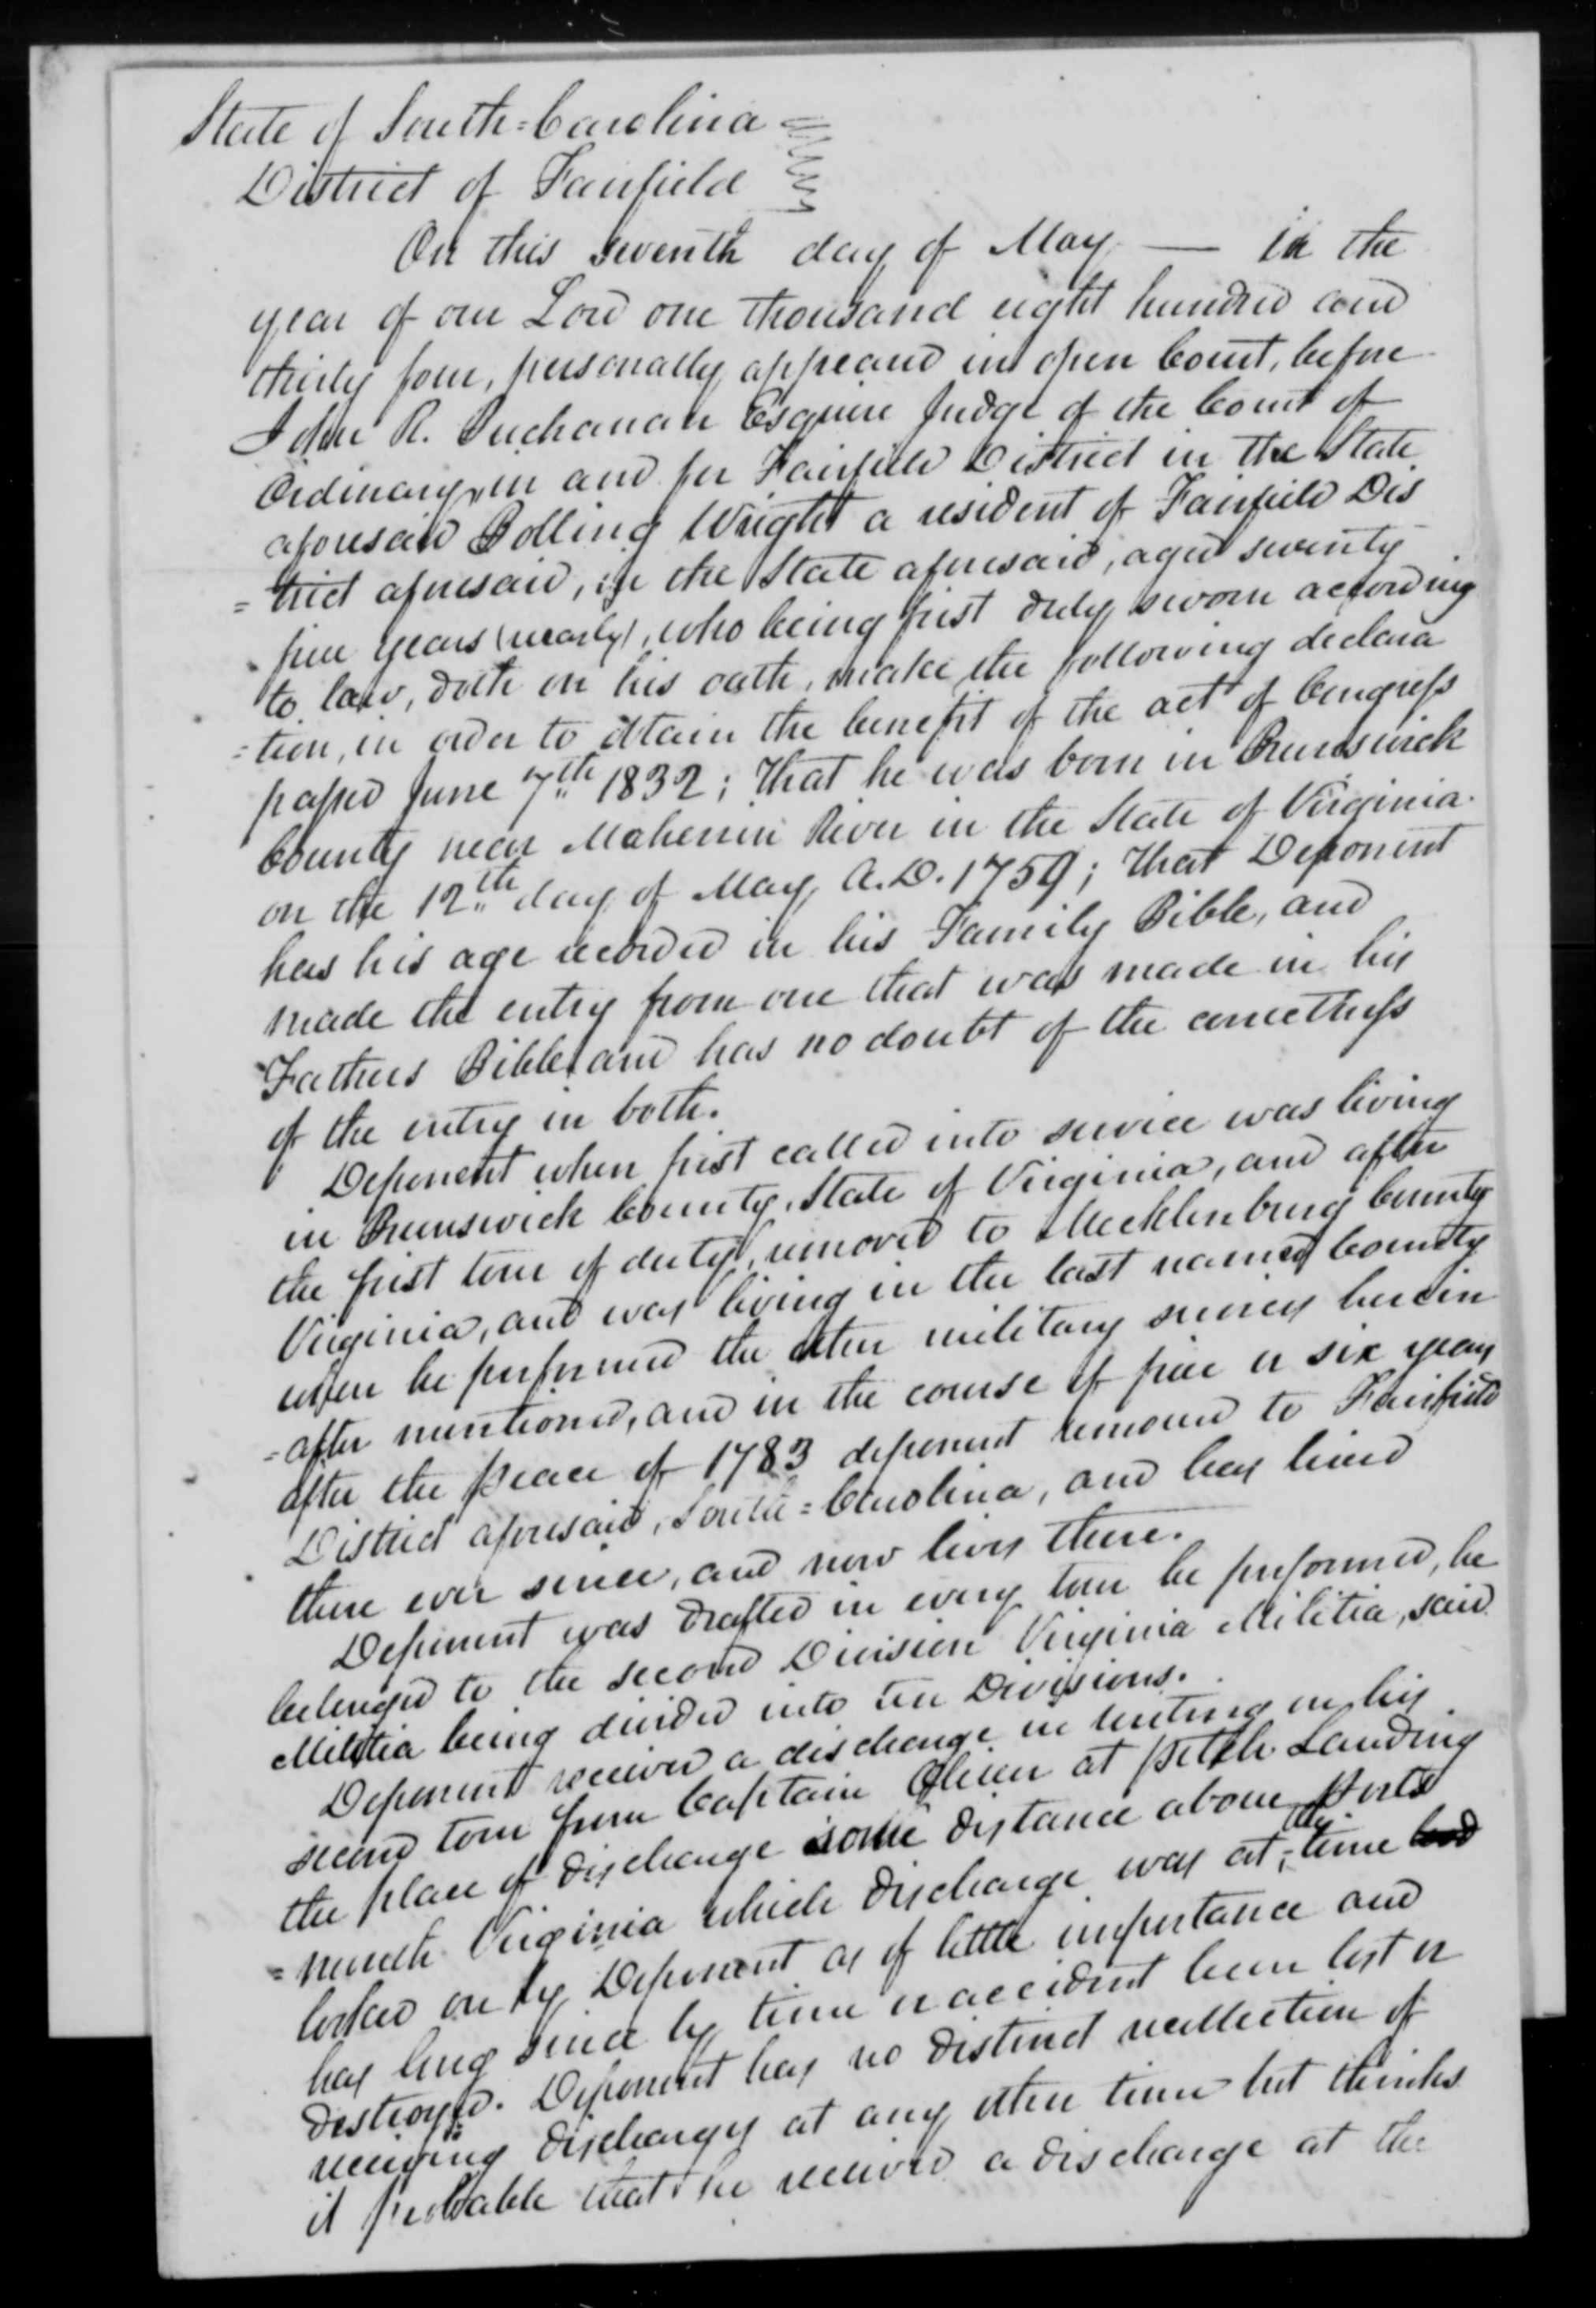State of South Carolina
District of Fairfield
On this seventh day of May - in the year of our Lord one thousand eight hundred and thirty four, personally appeared in open Court, before John R. Buchanan Esquire Judge of the Court of Ordinary in and for Fairfield District in the State aforesaid Bolling Wright a resident of Fairfield District aforesaid, in the State aforesaid, aged seventy five years (nearly), who being first duly sworn according to law, doth on his oath, make the following declaration, in order to obtain the benefit of the act of Congress passed June 7th 1832; That he was born in Brunswick County near Mahenin River in the State of Virginia, on the 12th day of May A.D. 1759; That Deponent has his age recorded in his Family Bible, and made the entry from one that was made in his Fathers Bible and has no doubt of the correctness of the entry in both.
Deponent when first called into service was living in Brunswick County, State of Virginia, and after the first tour of duty, removed to Mecklenburg County Virginia, and was living in the last named County where he performed the actual military services hereinafter mentioned, and in the course of five or six years after the peace of 1783 deponent removed to Fairfield District aforesaid, South Carolina, and has lived there ever since, and now lives there.
Deponent was drafted in every tour he performed, he belonged to the second Division Virginia Militia, said Militia being divided into the Divisions.
Deponent received a discharge in writing on his second tour from Captain Oliver at Pitck Landing the place of discharge some distance above Portsmouth Virginia which discharge was at time looked on by Deponent as of little importance and has long since by time or accident been lost or destroyed. Deponent has no distinct recollection of receiving discharges at any other time but thinks it possible that he received a discharge at the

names: Bolling Wright, John R Buchanan, Oliver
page: 10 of 81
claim: widow's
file: W. 5183, Bolling Wright, Va.